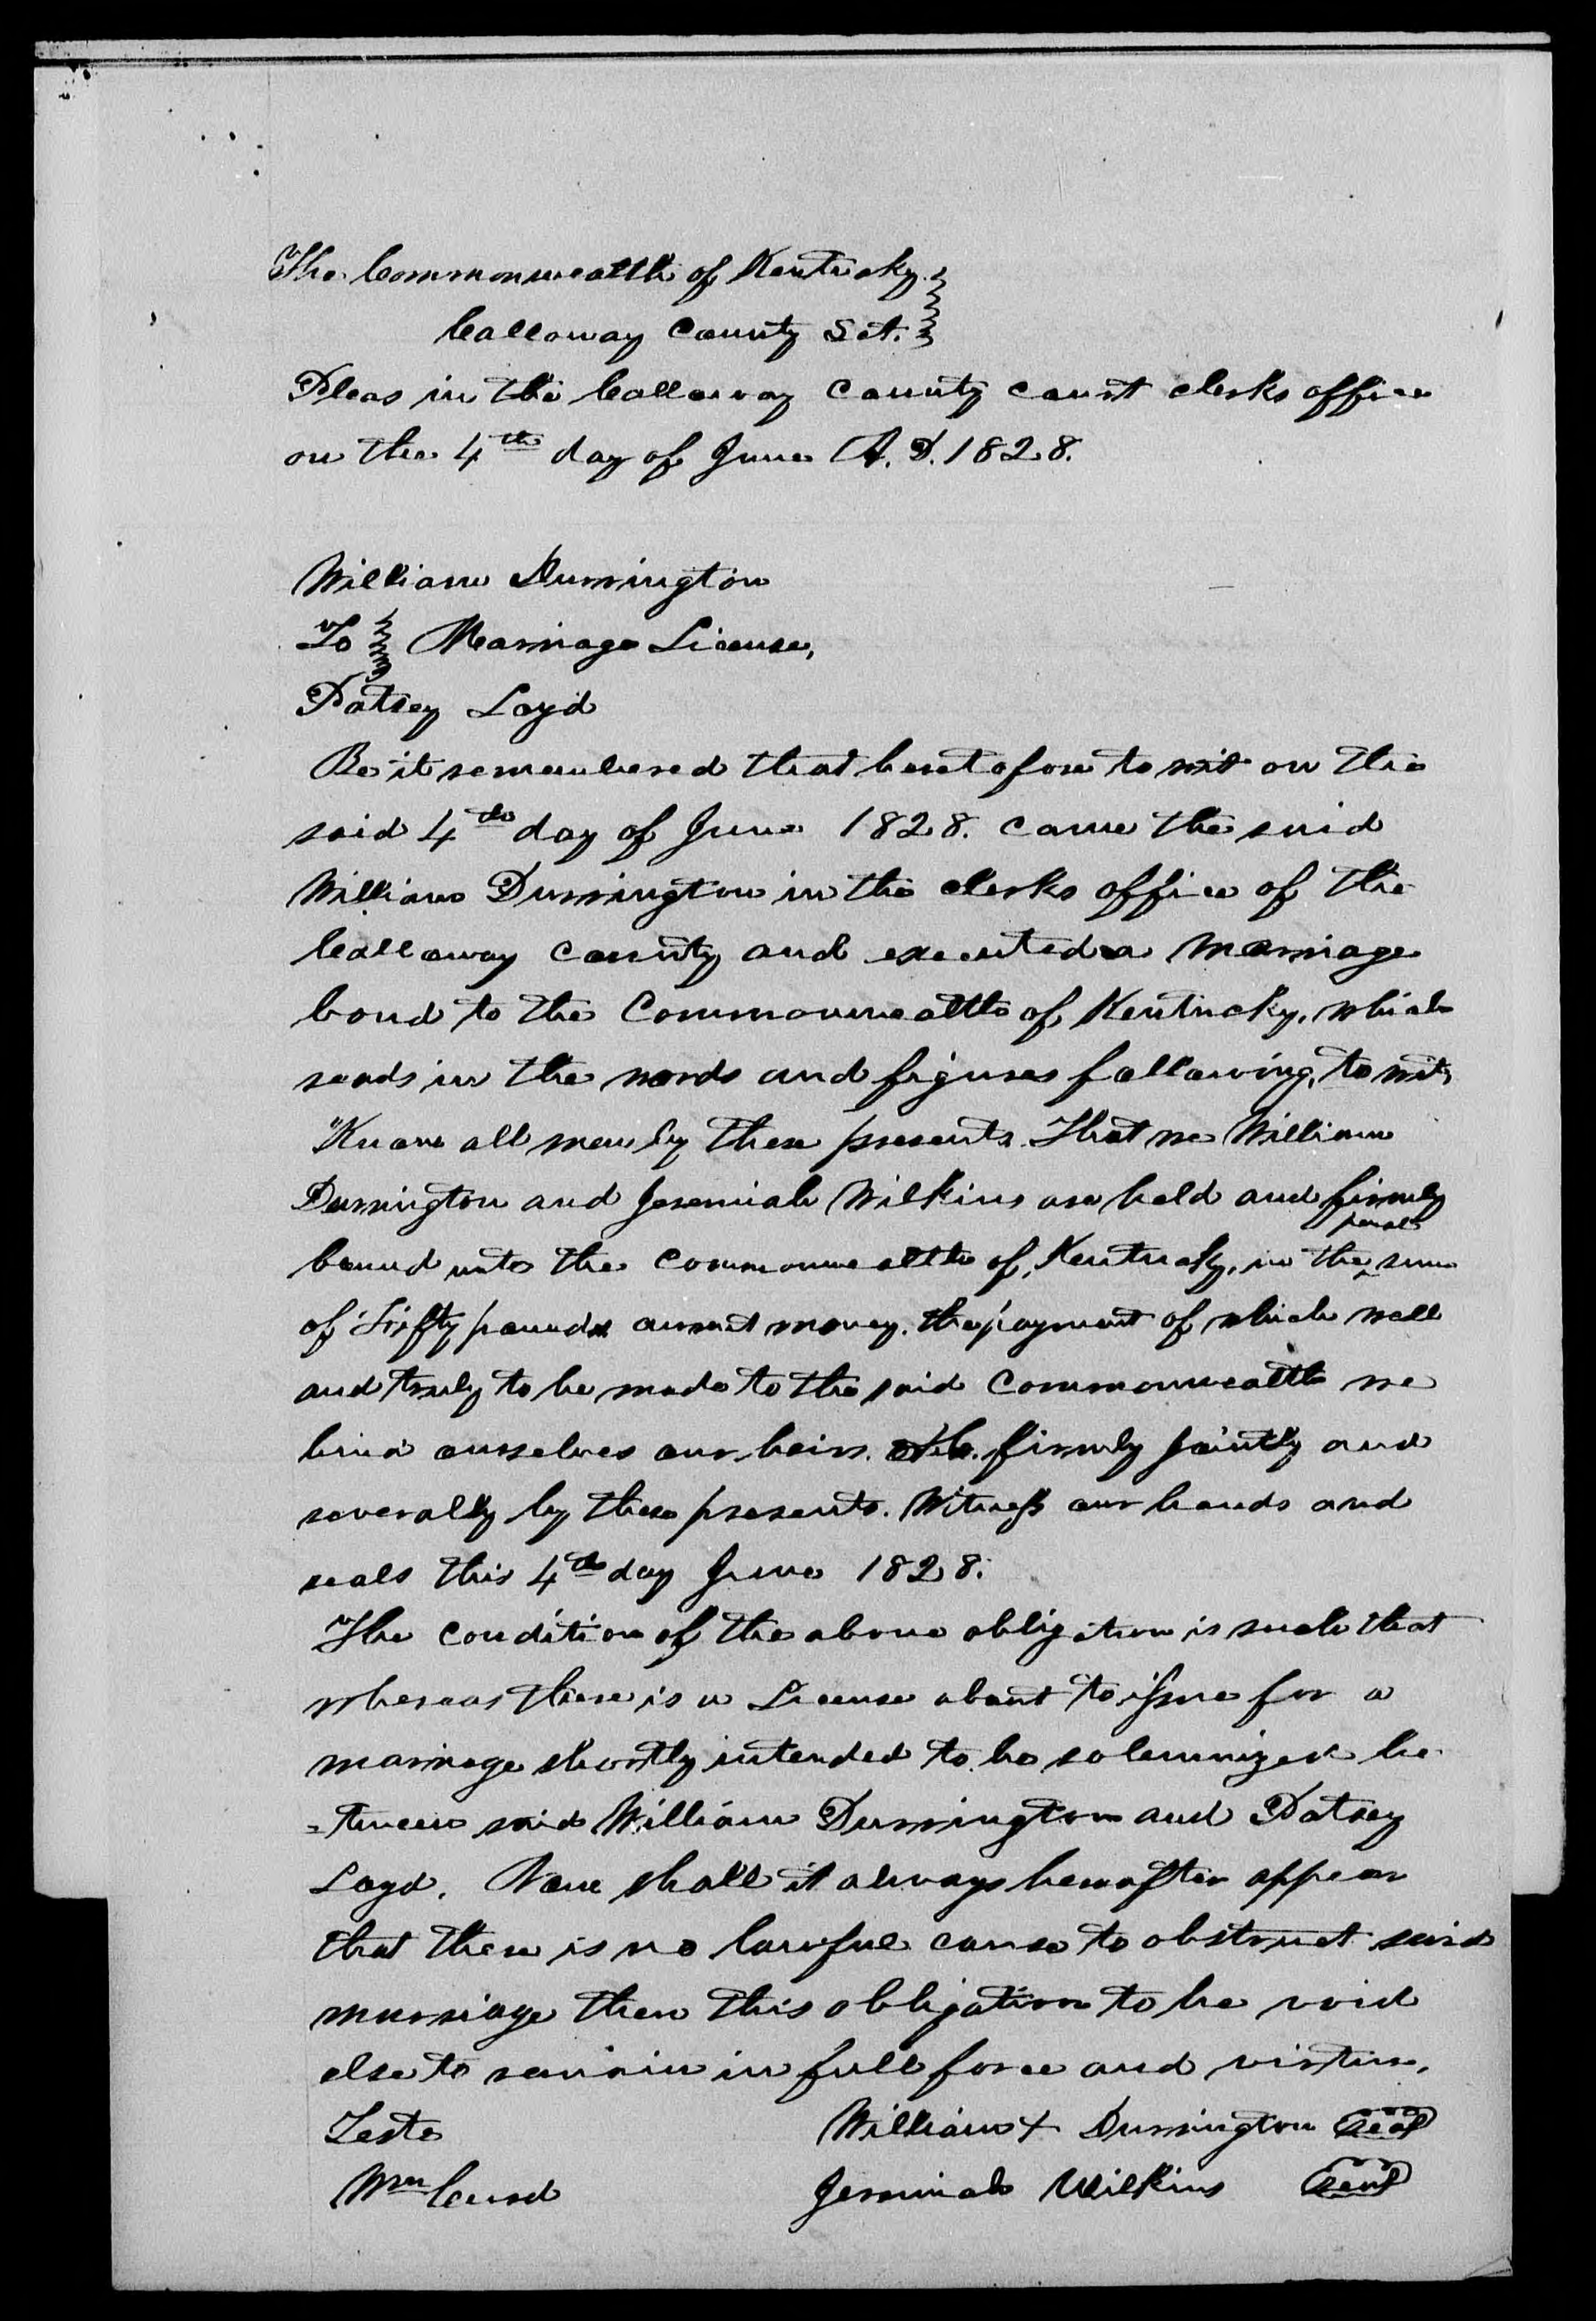The Commonwealth of Kentucky
Calloway County Set.
Pleas in the Calloway County Court Clerks office
on the 4th day of June A.D. 1828.
William Durrington
To Mariage License,
Patsey Loyd
Be it remembered that heretofore to wit on the
said 4th day of June 1828 came the said
William Dunnington in the clerks office of the
Calloway County and executed a Marriage
bond to the Commonwealth of Kentucky, which
reads in the words and figures following to wit
Know all men by then presents That we William
Dunnington and Jeremiah Wilkinson held and firmly
bound unto the Commonwealth of Kentucky in the sum
of Fifty pounds ament money the payment of which will
and truly to be made to the said Commonwealth we
bind ourselves our heirs firmly Jointly and
severally by these presents. Witness our hands and
seals this 4th day June 1828.
The condition of the above obligation is such that
whereas there is a License about to issue for a
marriage shortly intended to be solemnized be
the said William Dunnington and Patsey
Loyd. None shall it always hereafter appear
that there is no lawful cause to obstruct said
marriage then this obligation to be void
else to remain in full force and virtue.

William  Durrington 
Jeramiah Wilkins
Teste
Wm Cord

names: William Durrington, Jeremiah Wilkins, William Durrington, William Durrington, Patsey Loyd, William Durrington, Jeremiah Wilkins, William Durrington, Wm Curd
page: 25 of 51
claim: widow's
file: W. 27,409, William Dunnington, Md.